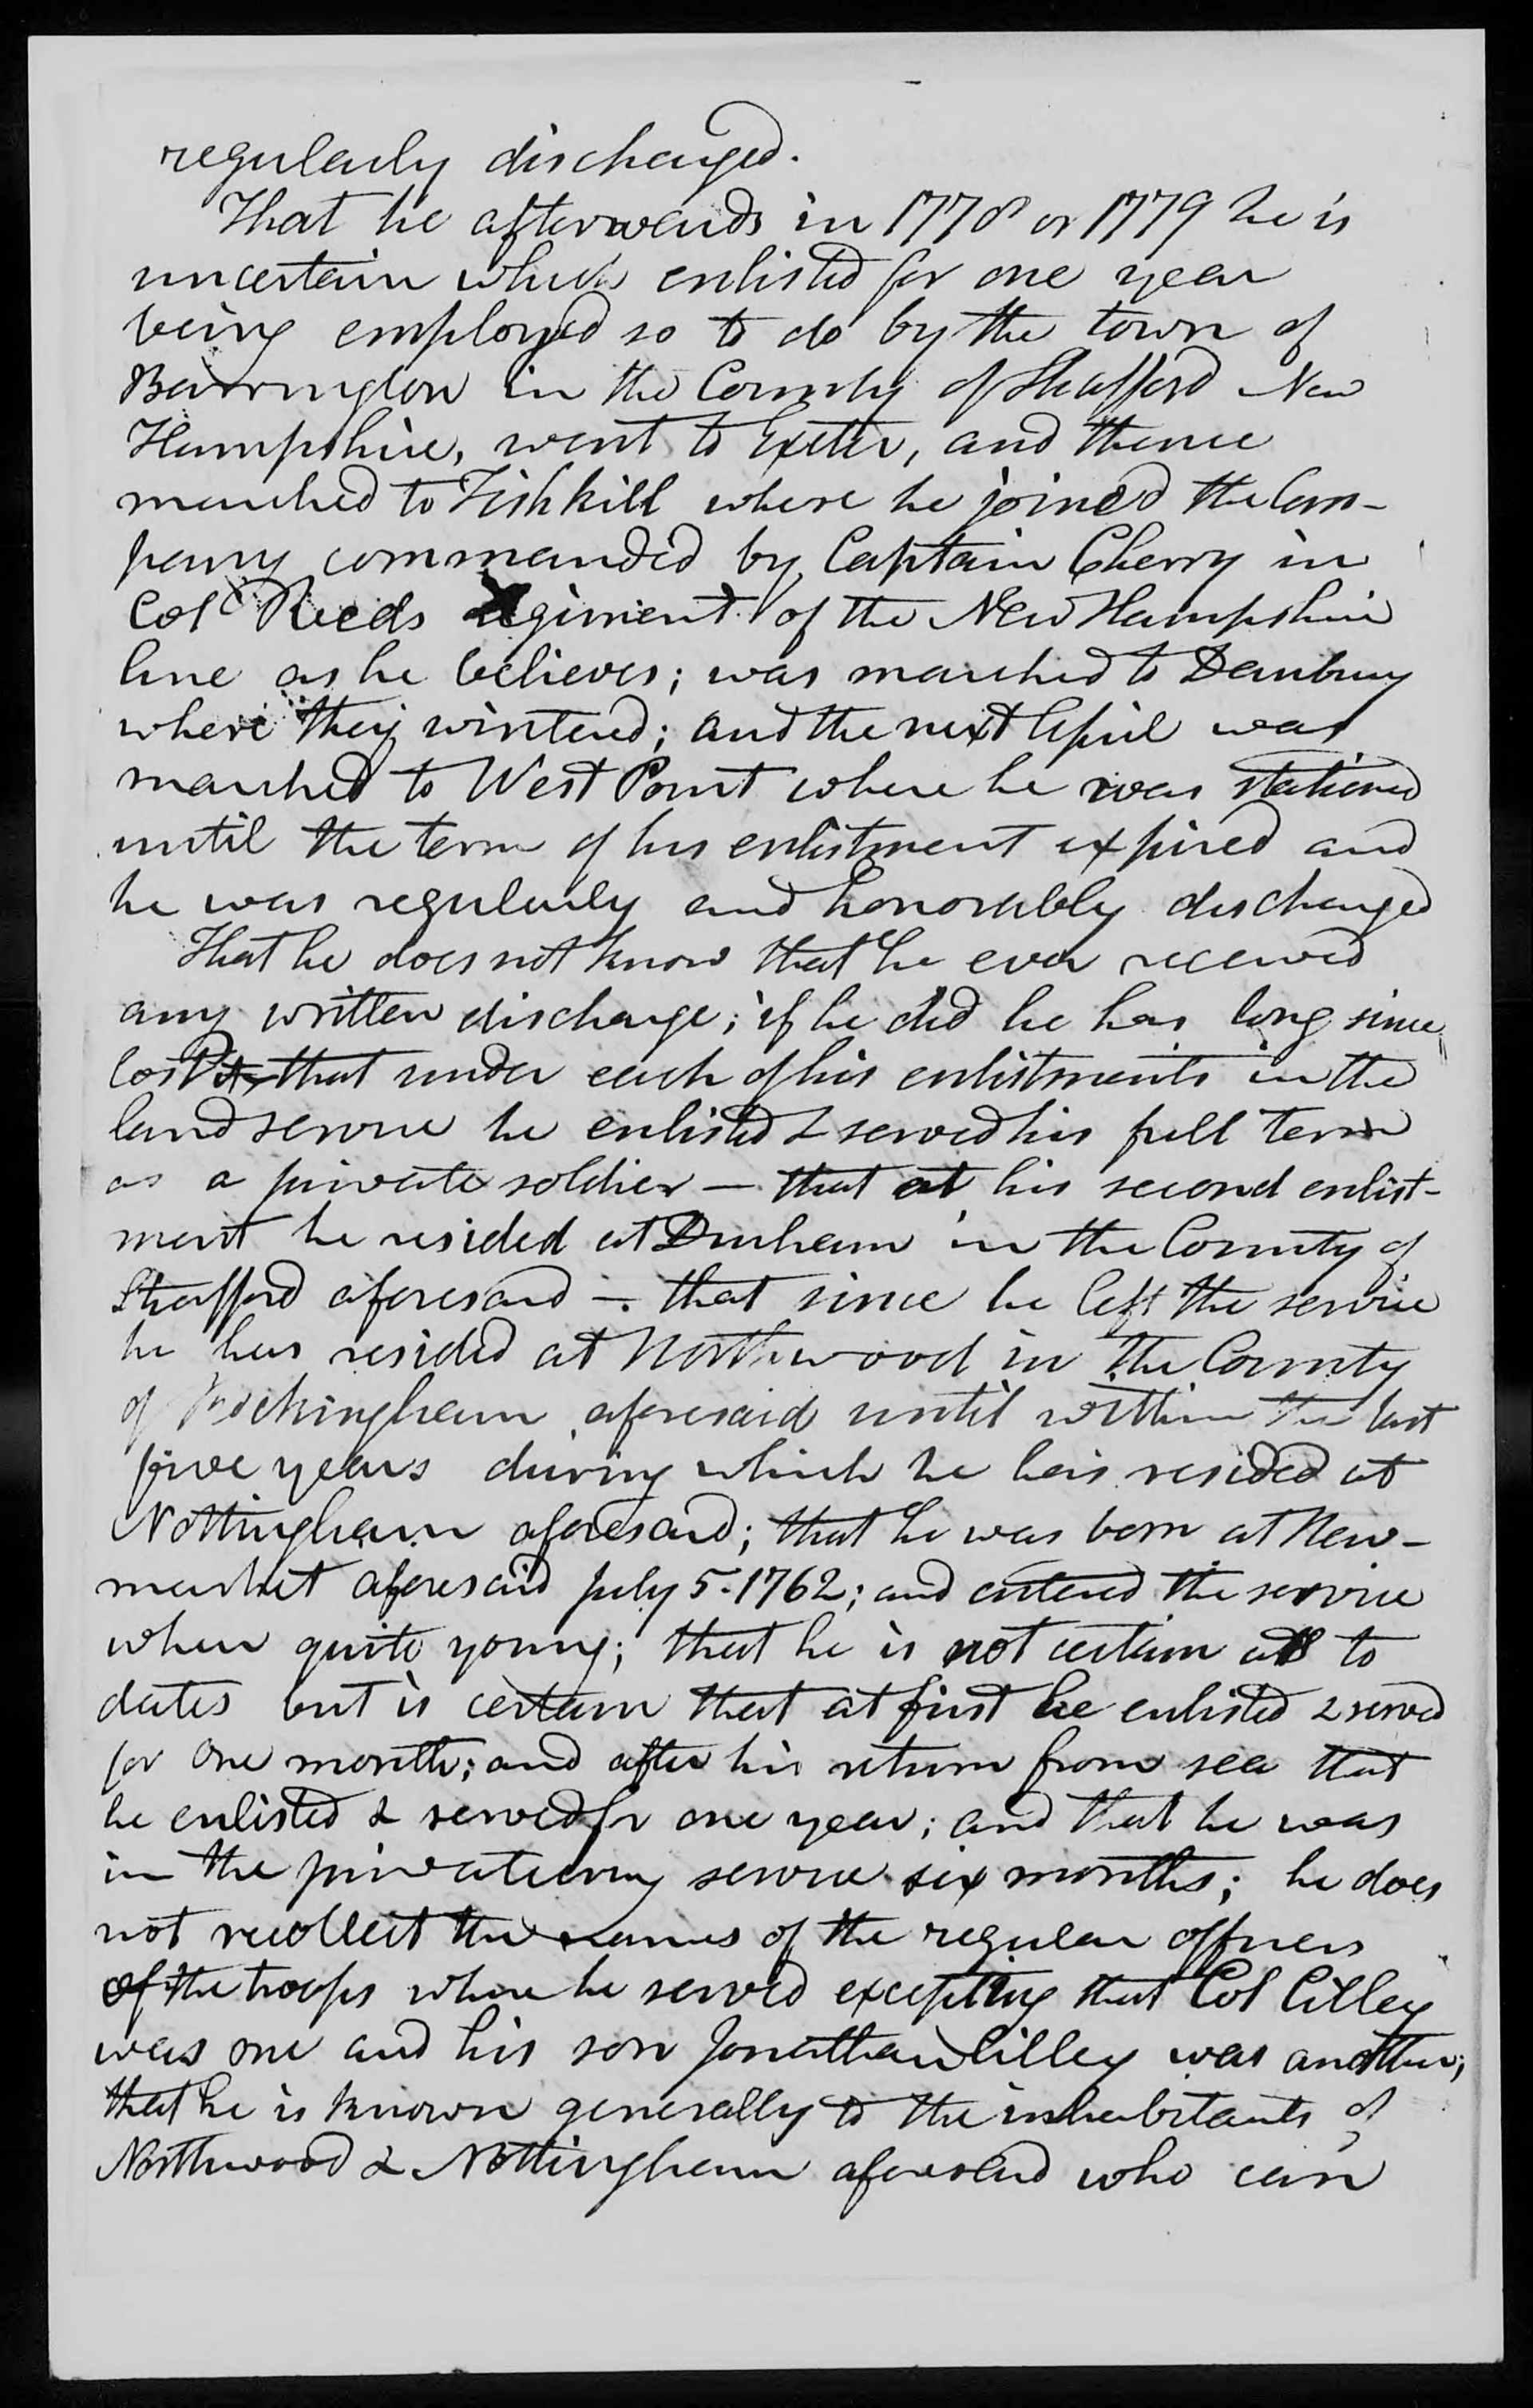regularly discharged.


That afterwards in 1778 or 1779 he is uncertain which enlisted for one year being employed so to do by the town of Barrington in the County of Strafford New Hampshire, went to Exeter, and thence marched to Fishkill when he joined the Company commanded by Captain Cherry in Col Reeds Regiment of the New Hampshire line as he believes; was marched to Danbury where they wintered; and the next April was marched to West Point where he was stationed until the term of his enlistment expired and he was regularly and honorably discharged

That he does not know that he ever received any written discharge; if he did he has long time lost it --

that under each of his enlistments in the land service he enlisted & served his full term as a private soldier--

that at his second enlistment he resided in Durham in the County of Strafford aforesaid --

that since he left the service he has resided at Northwood in the County of Rockingham, aforesaid until within the last five years during which he has resided at Nottingham aforesaid;

that he was born at Newmarket aforesaid July 5 - 1762; and entered the service when quite young;

that he is not certain as to dates but is certain that at first he enlisted served for one month; and that after his return from sea that he enlisted & served for one year; and that he was in the privateering service six months;

he does not recollect the names of the regular officers of the troops where he served excepting that Col Cilley was one and his son Jonathan Cilley was another;

that he is known generally to the inhabitants of Northwood & Nottingham aforesaid who can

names: Jonathan Cilley, Cilley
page: 5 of 43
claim: widow's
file: W. 21665, Ebenezer Bennett, N. H. Privateer.